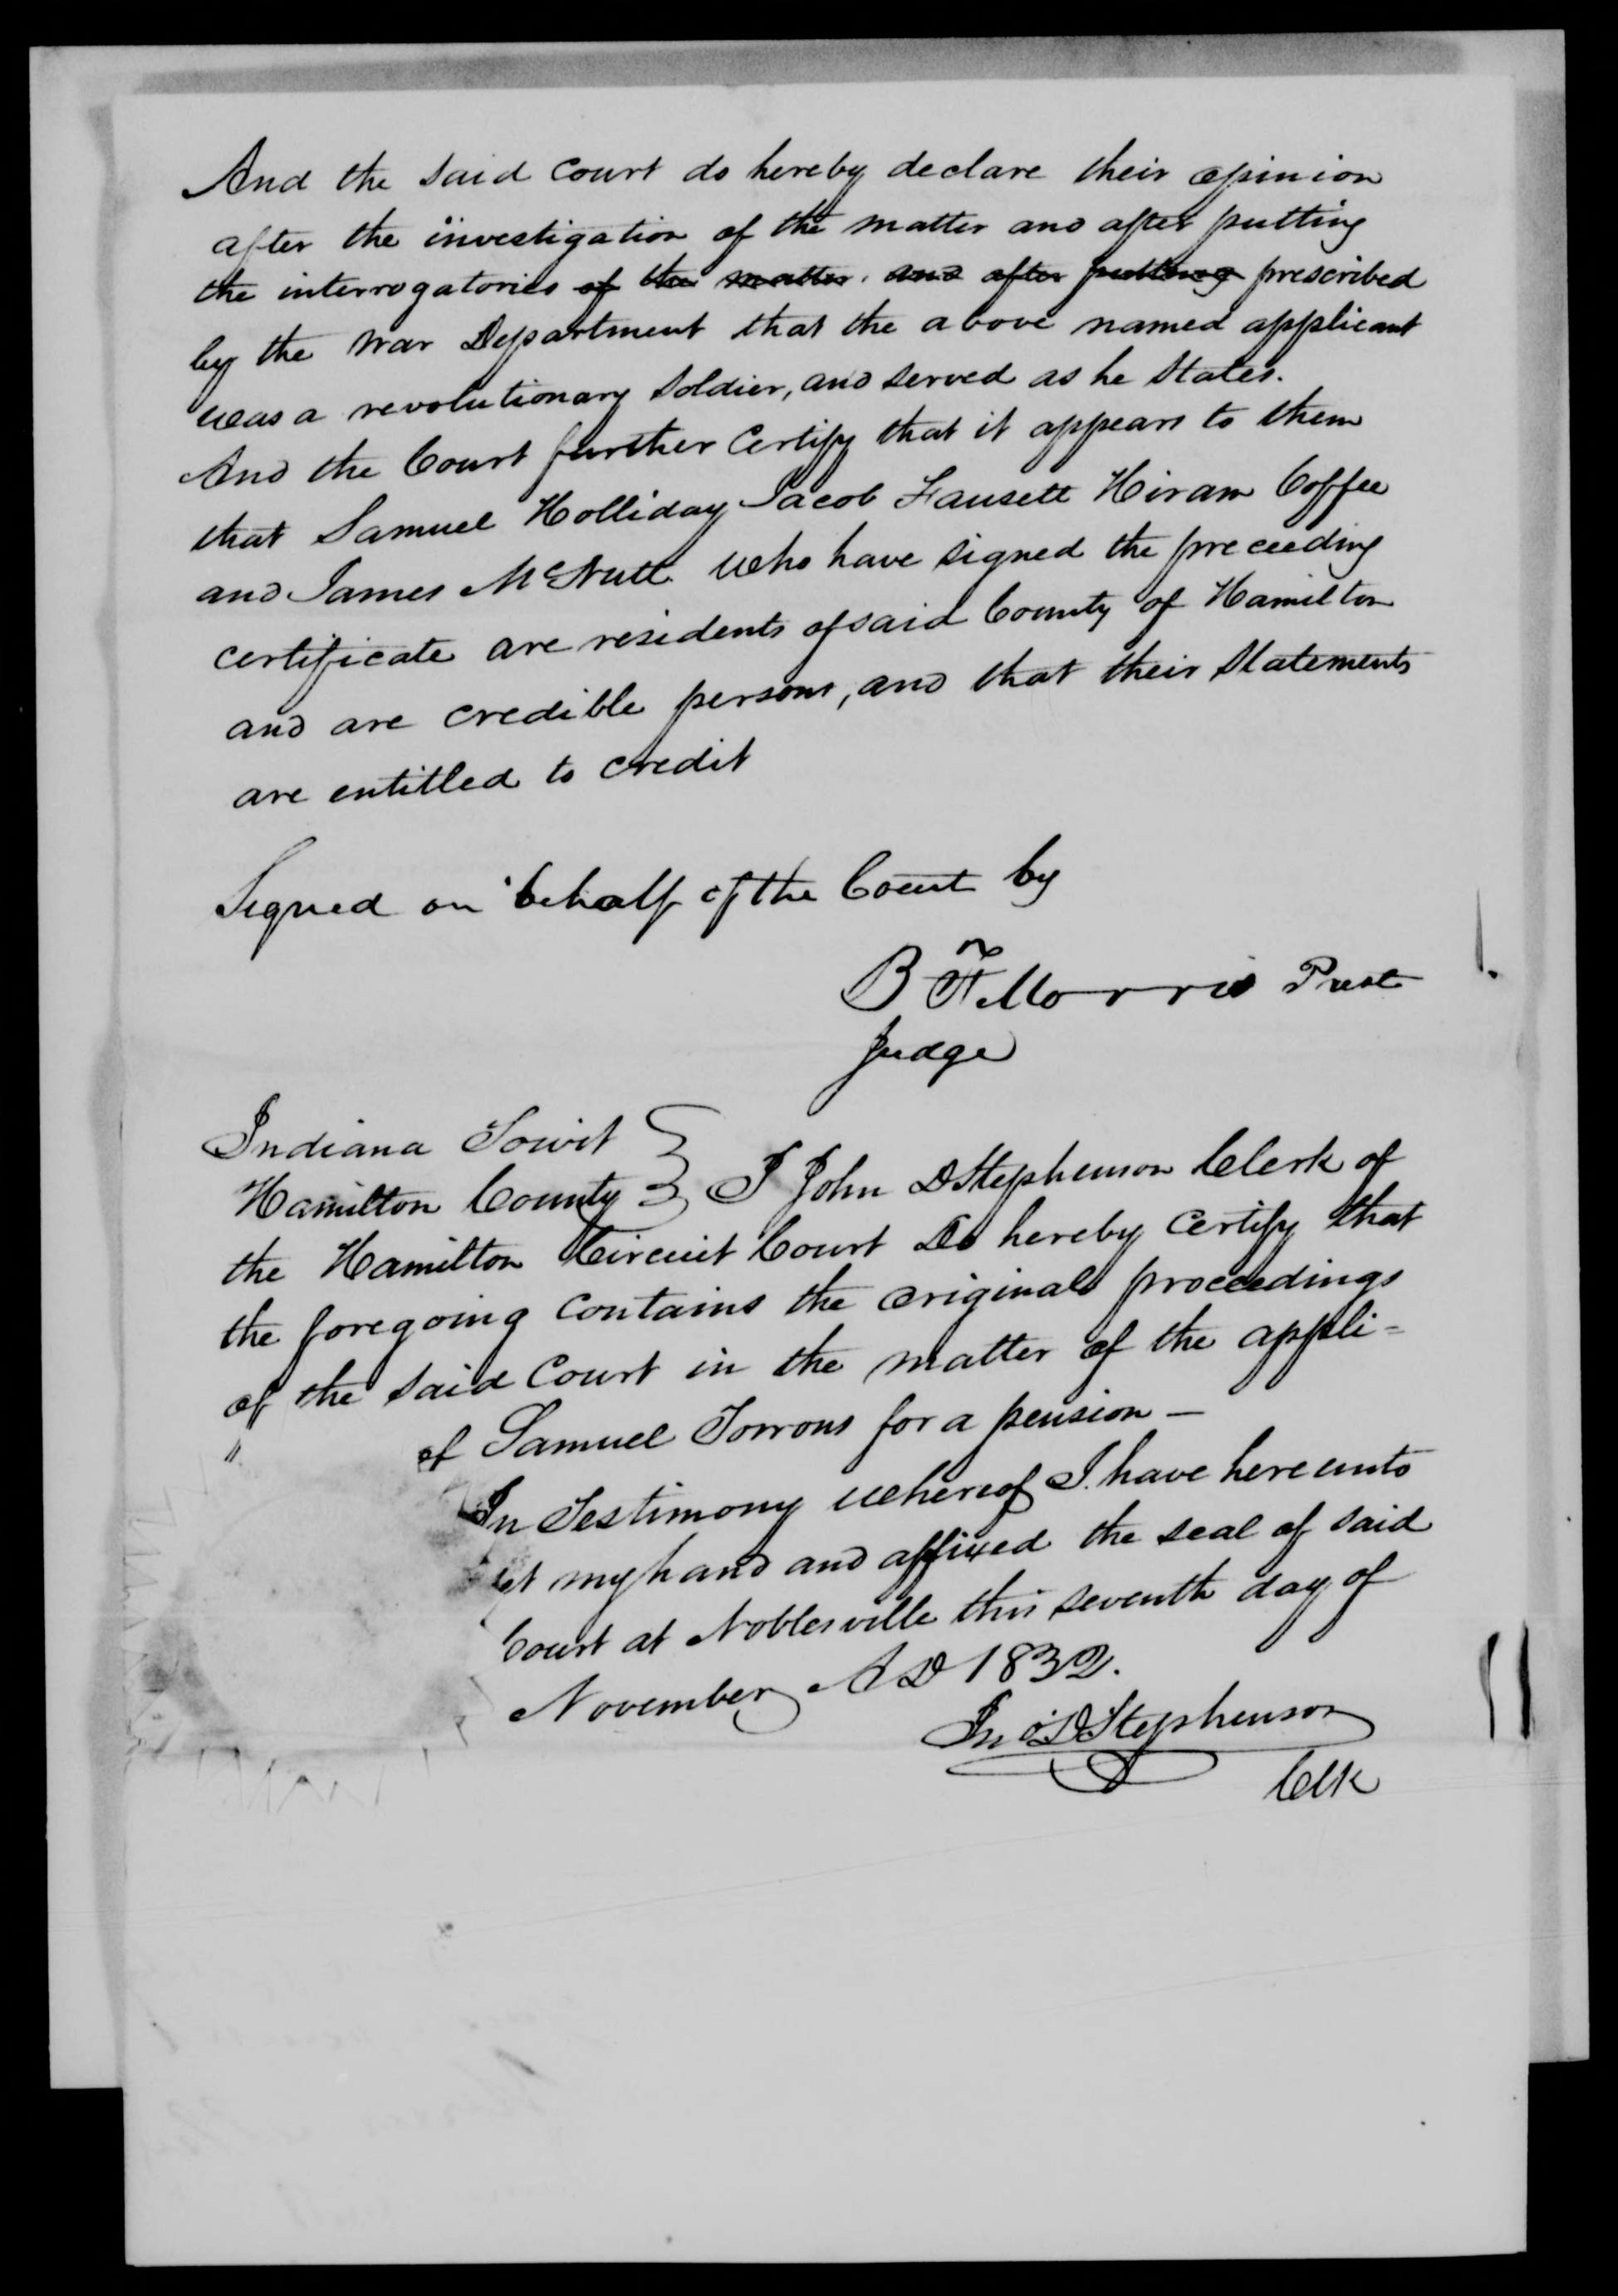And the said court do hereby declare their opinion after the investigation of the matter and after putting the interrogatories prescribed by the War Department that the above named applicant was a revolutionary soldier, and served as he states.
And the Court further Certify that it appears to them that Samuel Holliday Jacob Fausett Hiram Coffee and James McNutt who have signed the preceeding certificate are residents of said County of Hamilton and are credible persons, and that their statements are entitled to credit
Signed on behalf of the Court by
B F Morris Prest
Judge

Indiana to wit
Hamilton County I John D Stephenson Clerk of the Hamilton Circuit Court Do hereby Certify that the foregoing contains the original proceedings of the said Court in the matter of the application of Samuel Torrons for a pension-
In Testimony whereof I have hereunto set my hand and affixed the seal of said Court at Noblesville this seventh day of November AD 1832.
Jno. D. Stephenson
Clk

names: Samuel Torrons, James Mc Nutt, John D Stephenson, Samuel Holliday, Jno D Stephenson, Hiram Coffee, B F Morris, Jacob Fausett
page: 12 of 27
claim: widow's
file: W. 9860, Samuel Torrons, Va.